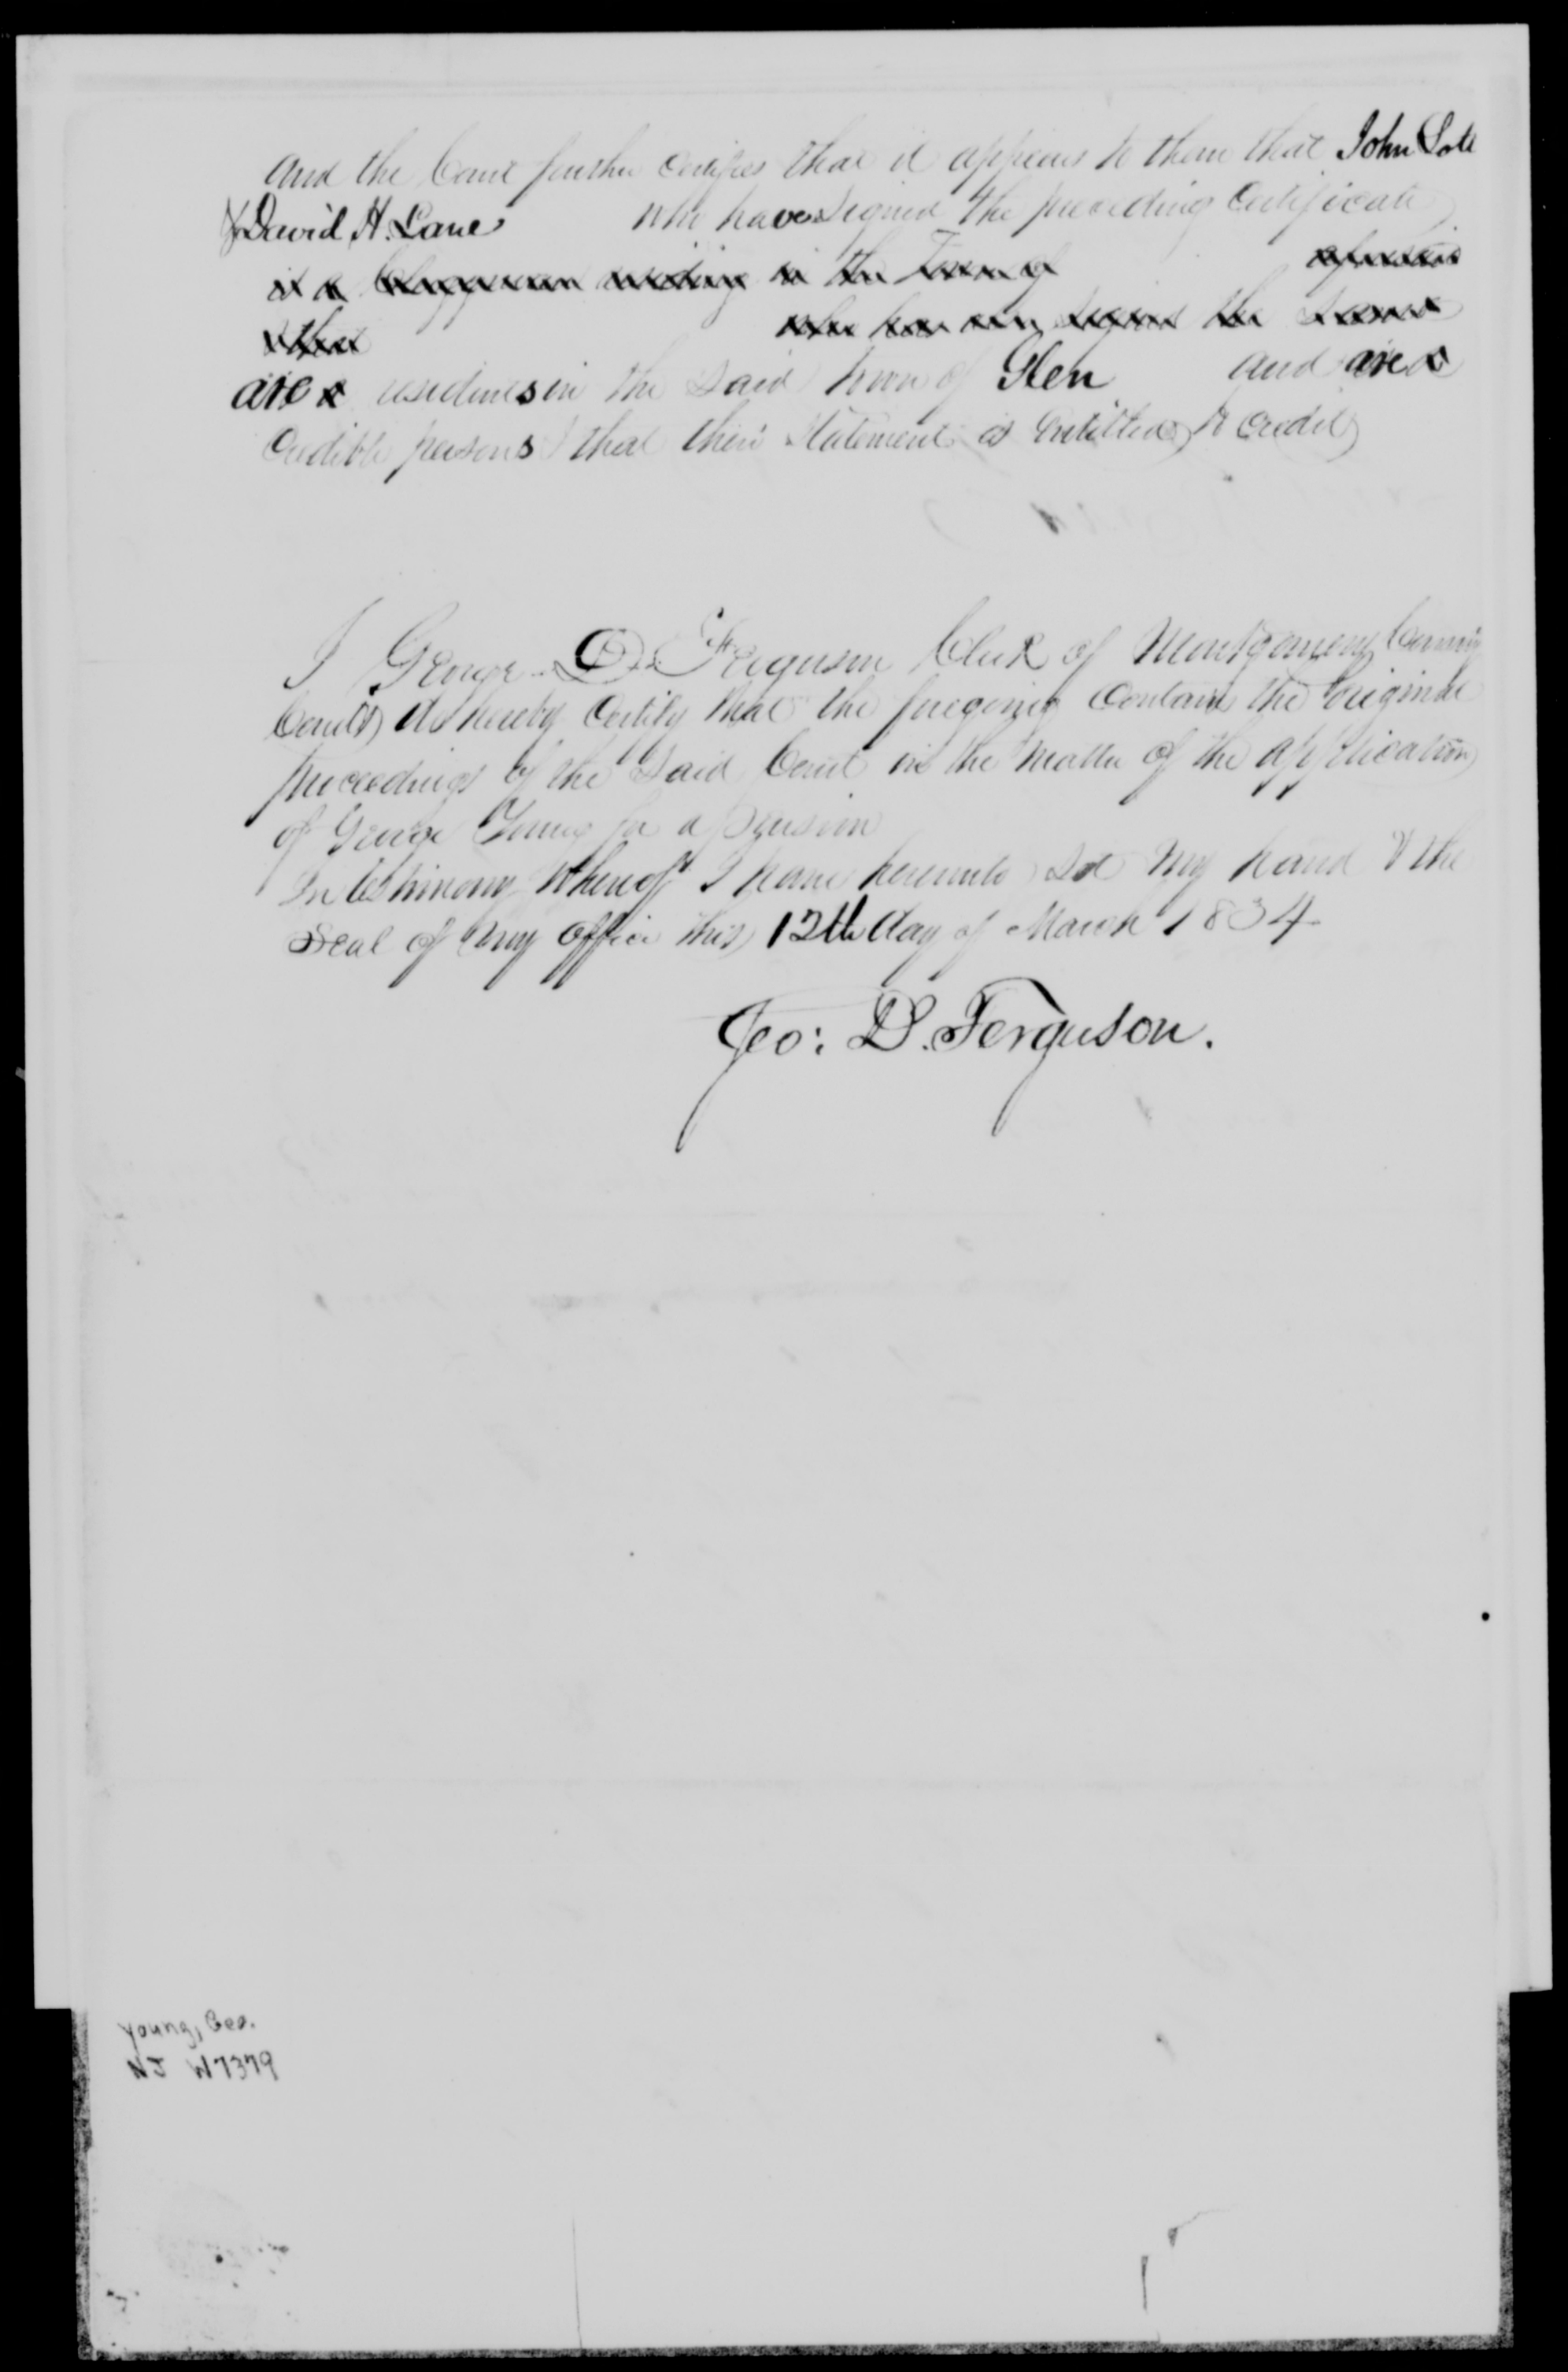and the Court further certifies that it appears to them that John Lott David H. Lane
who have signed the preceding certificate
residents in the said town of Glen
and credible persons that their statement is entitled to credit

I George D Ferguson Clerk of Montgomery County Court do hereby certify that the foregoing contain the original proceedings of the said Court in the matter of the application
of George Young for a pension
In testimony whereof I have hereunto set my hand the & seal of my Office this 12th day of March 1834
Geo: D. Ferguson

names: David H Lane, George Young, John Sott, George D Ferguson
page: 5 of 67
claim: widow's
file: W. 7379, George Young, New Jersey